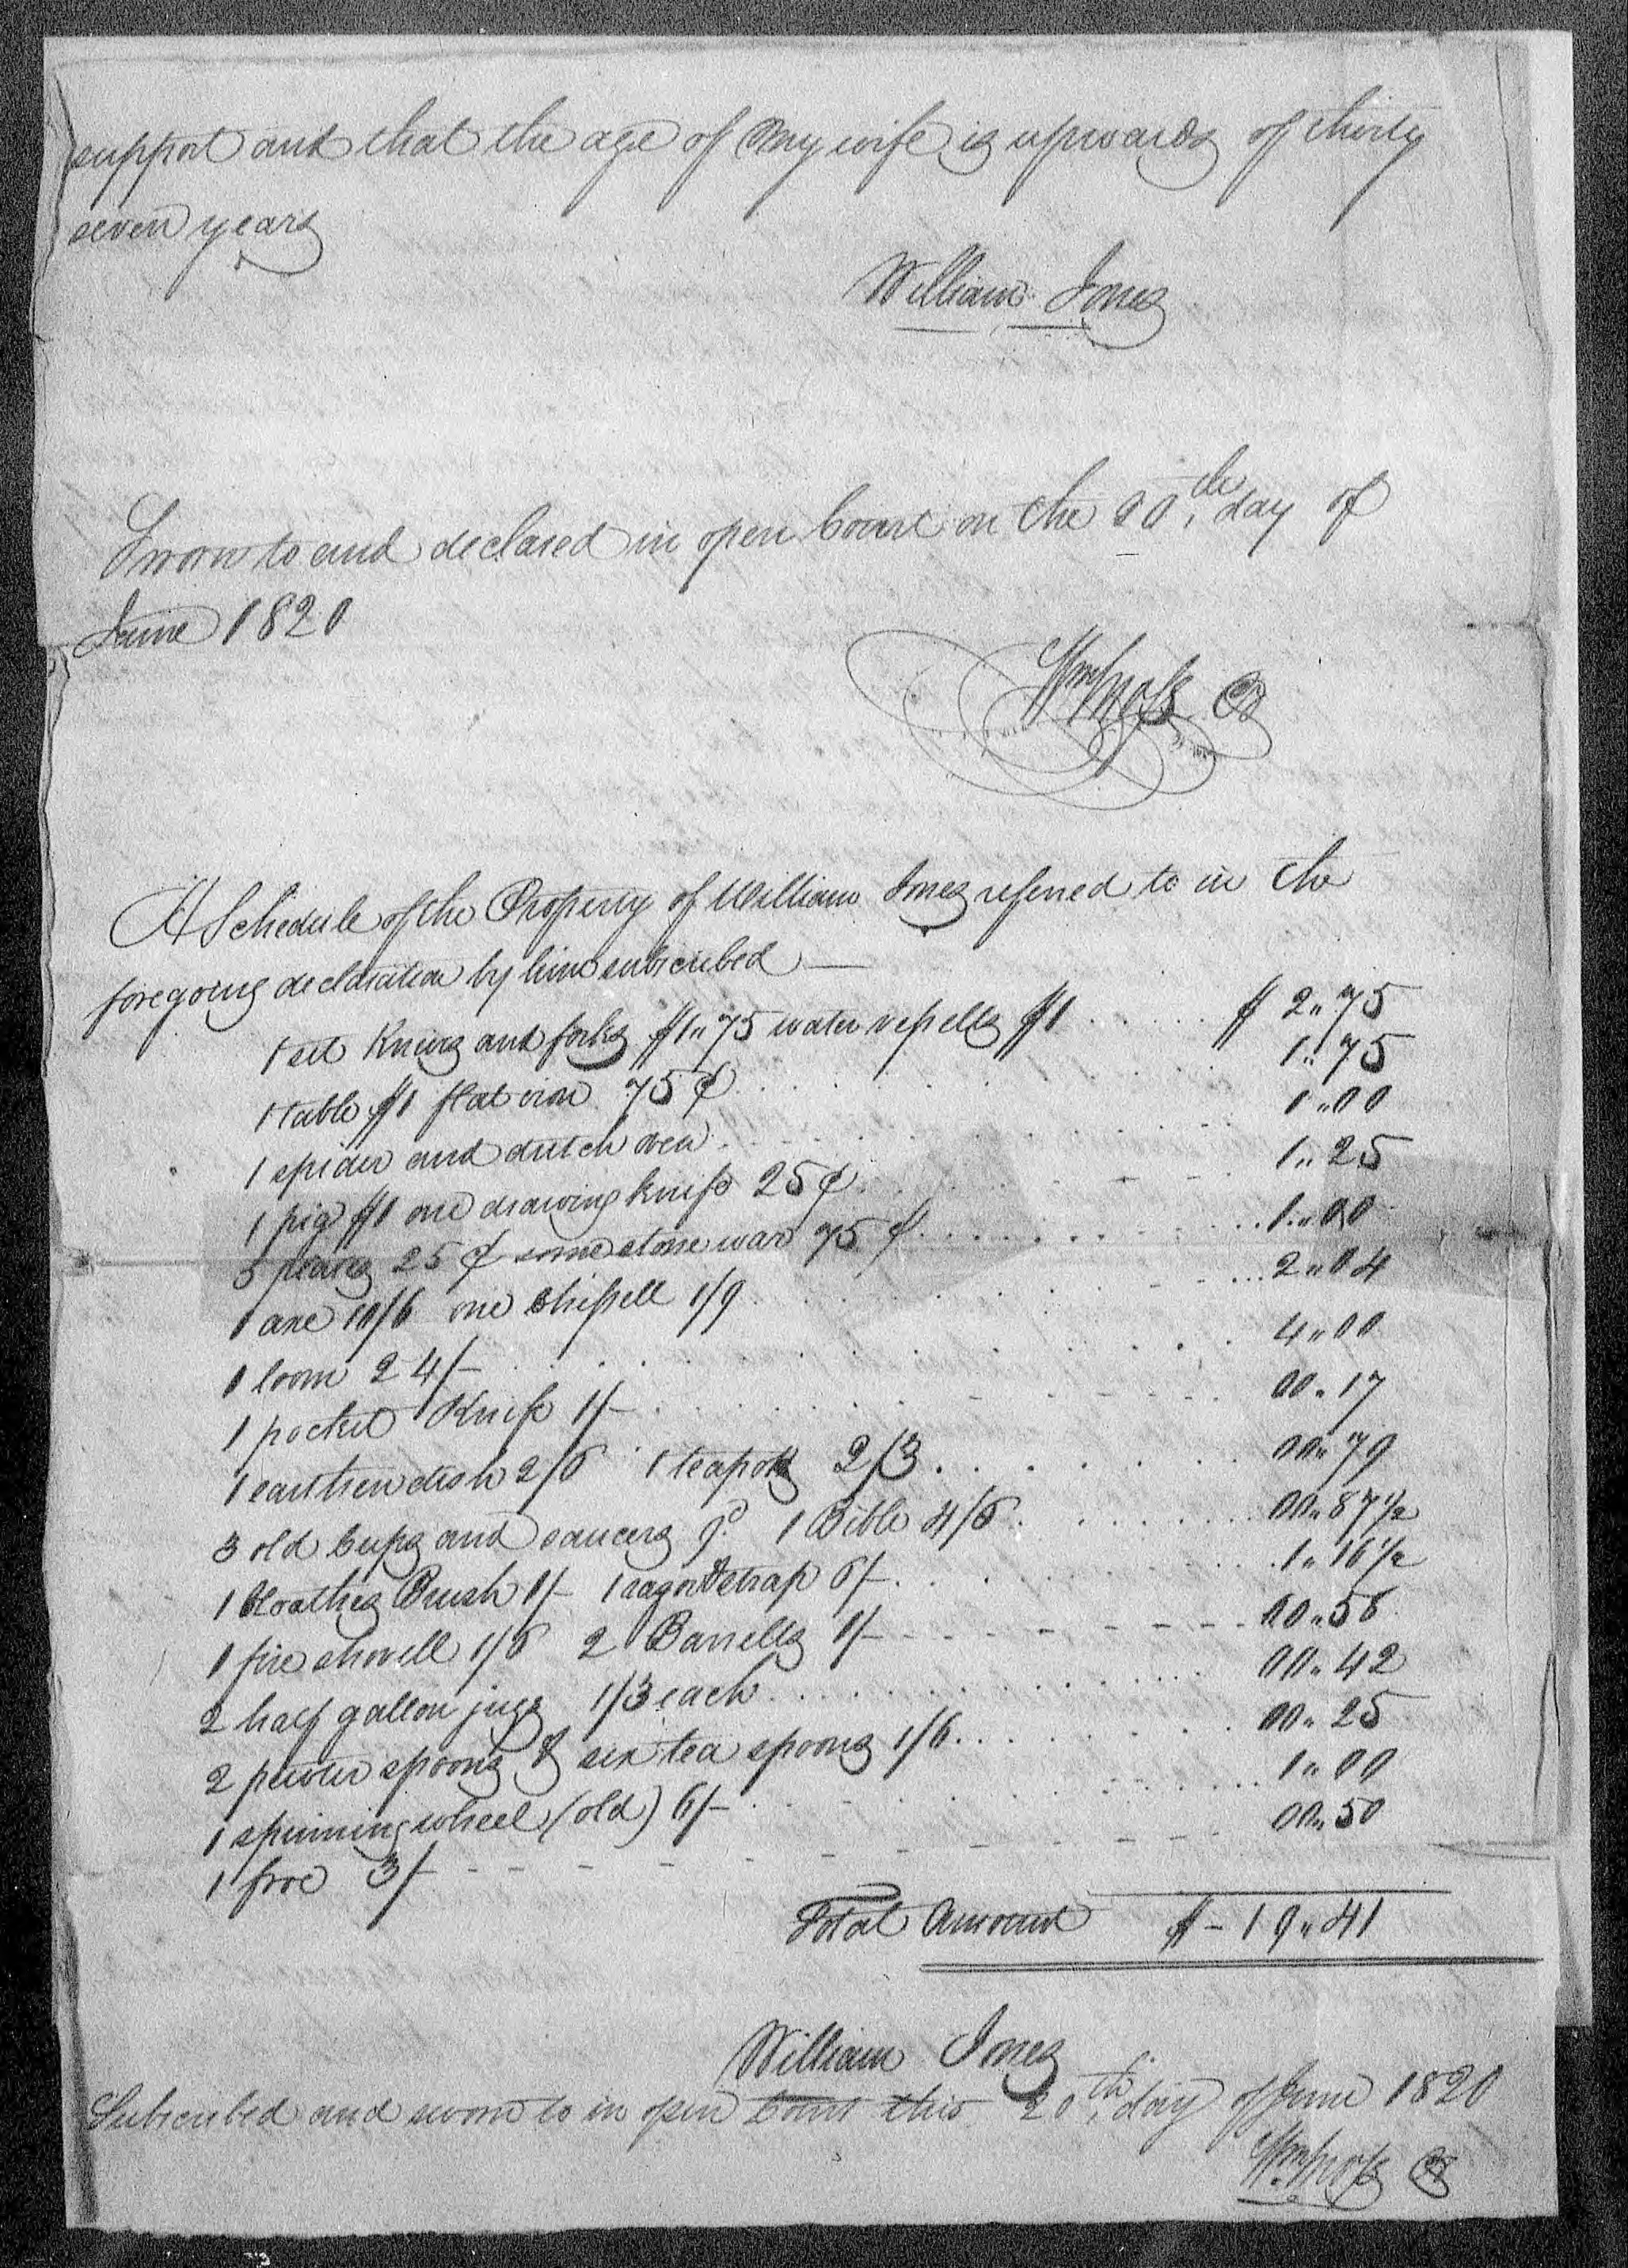support and that the age of my wife is upwards of thirty seven years
William Jones

Sworn to and declared in open Court on the 20th day of June 1820
Wm. Moss 

A Schedule of the Property of William Jones referred to in the foregoing declaration by him
subscribed —.
1 set knives and forks $1.75 water vessells $1........... $2.75
1 table $1 flat iron 75¢....................................................... 1.75
1 spider and dutch oven. .................................................... 1.00
1 pig $1 one drawing knife 25¢........................................ 1.25
5 plates 25¢ some stoneware 75¢.................................... 1.00
1 axe 10/6 one chissell 1/9. .............................................. 2.14
1 loom 2 4/—
. ...................................................................... 4.00
1 pocket knife 1/—
. .......................................................... 00.17
1 earthen dish 2/6 1 teapot 2/3..................................... 00.79
3 old cups and saucers 7d 1 Bible 4/6.......................... 00.87½
1 cloathes Brush 1/— 1 razor strap 6/—
. ..................... 1.16½
1 fire shovell 1/6 2 Barrells 1/—
................................... 00.58
2 half gallon jugs 1/3 each. .............................................. 00.42
2 pewter spoons & six tea spoons 1/6. .......................... 00.25
1 spinning wheel (old) 6/—
. .............................................. 1.00
1 pot 3/—
. ....................................................................... 00.50
Total Amount $19.41
William Jones
Subscribed and sworn to in open court this 20th day of June 1820
Wm. Moss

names: William Jones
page: 20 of 39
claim: widow's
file: W 6292, for William Jones, Maryland